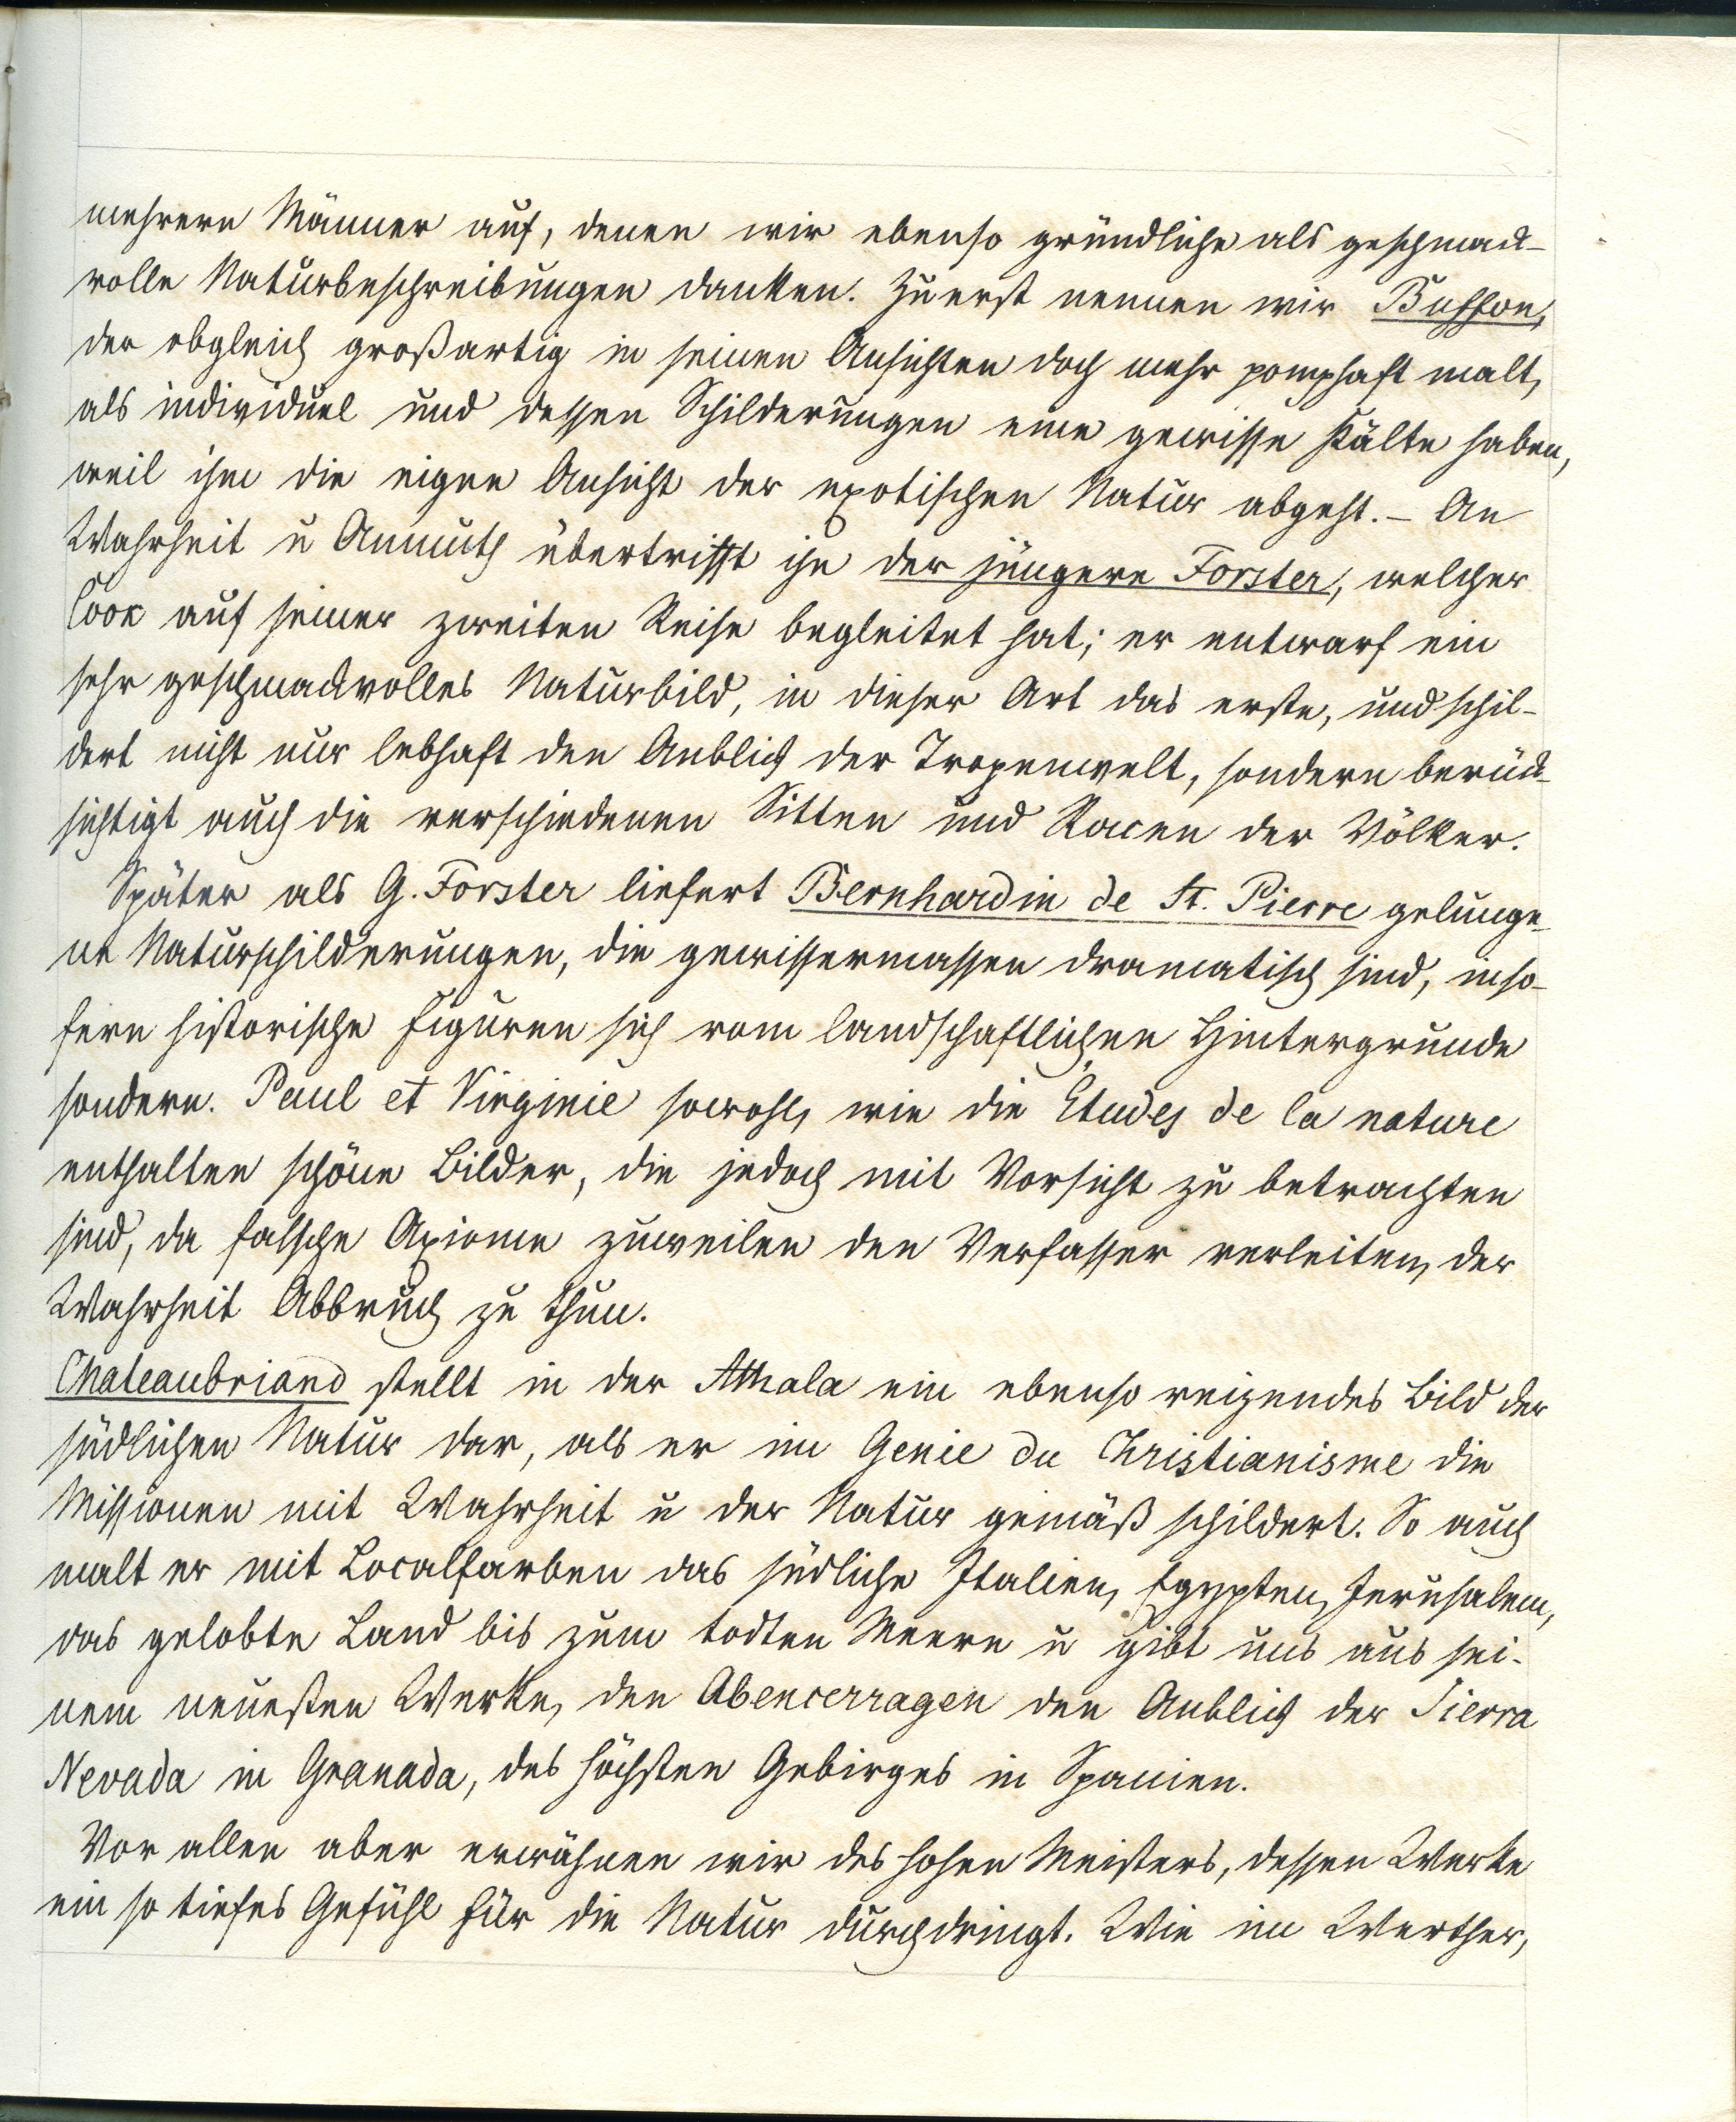mehrere Männer auf, denen wir ebenso gründliche als geschmack-
volle Naturbeschreibungen danken. Zuerst nennen wir Buffon,
der obgleich großartig in seinen Ansichten doch mehr pomphaft malt,
als individuel und dessen Schilderungen eine gewisse Kälte haben,
weil ihm die eigne Ansicht der exotischen Natur abgeht. – An
Wahrheit u Anmuth übertrifft ihn der jüngere Forster, welcher
Cook auf seiner zweiten Reise begleitet hat; er entwarf ein
sehr geschmackvolles Naturbild, in dieser Art das erste, und schil-
dert nicht nur lebhaft den Anblick der Tropenwelt, sondern berück-
sichtigt auch die verschiedenen Sitten und Racen der Völker.
Später als G. Forster liefert Bernhardin de St. Pierre gelunge-
ne Naturschilderungen, die gewissermassen dramatisch sind, inso-
fern historische Figuren sich vom landschaftlichen Hintergrunde
sondern. Paul et Virginie sowohl, wie die Etudes de la nature
enthalten schöne Bilder, die jedoch mit Vorsicht zu betrachten
sind, da falsche Axiome zuweilen den Verfasser verleiten, der
Wahrheit Abbruch zu thun.
Chateaubriand stellt in der Athala ein ebenso reizendes Bild der
südlichen Natur dar, als er im Genie du Christianisme die
Missionen mit Wahrheit u der Natur gemäß schildert. So auch
malt er mit Localfarben das südliche Italien, Egypten, Jerusalem,
das gelobte Land bis zum todten Meere u gibt uns aus sei-
nem neuesten Werke, den Abencerragen den Anblick der Sierra
Nevada in Granada, des höchsten Gebirges in Spanien.
Vor allen aber erwähnen wir des hohen Meisters, dessen Werke
ein so tiefes Gefühl für die Natur durchdringt. Wie im Werther,